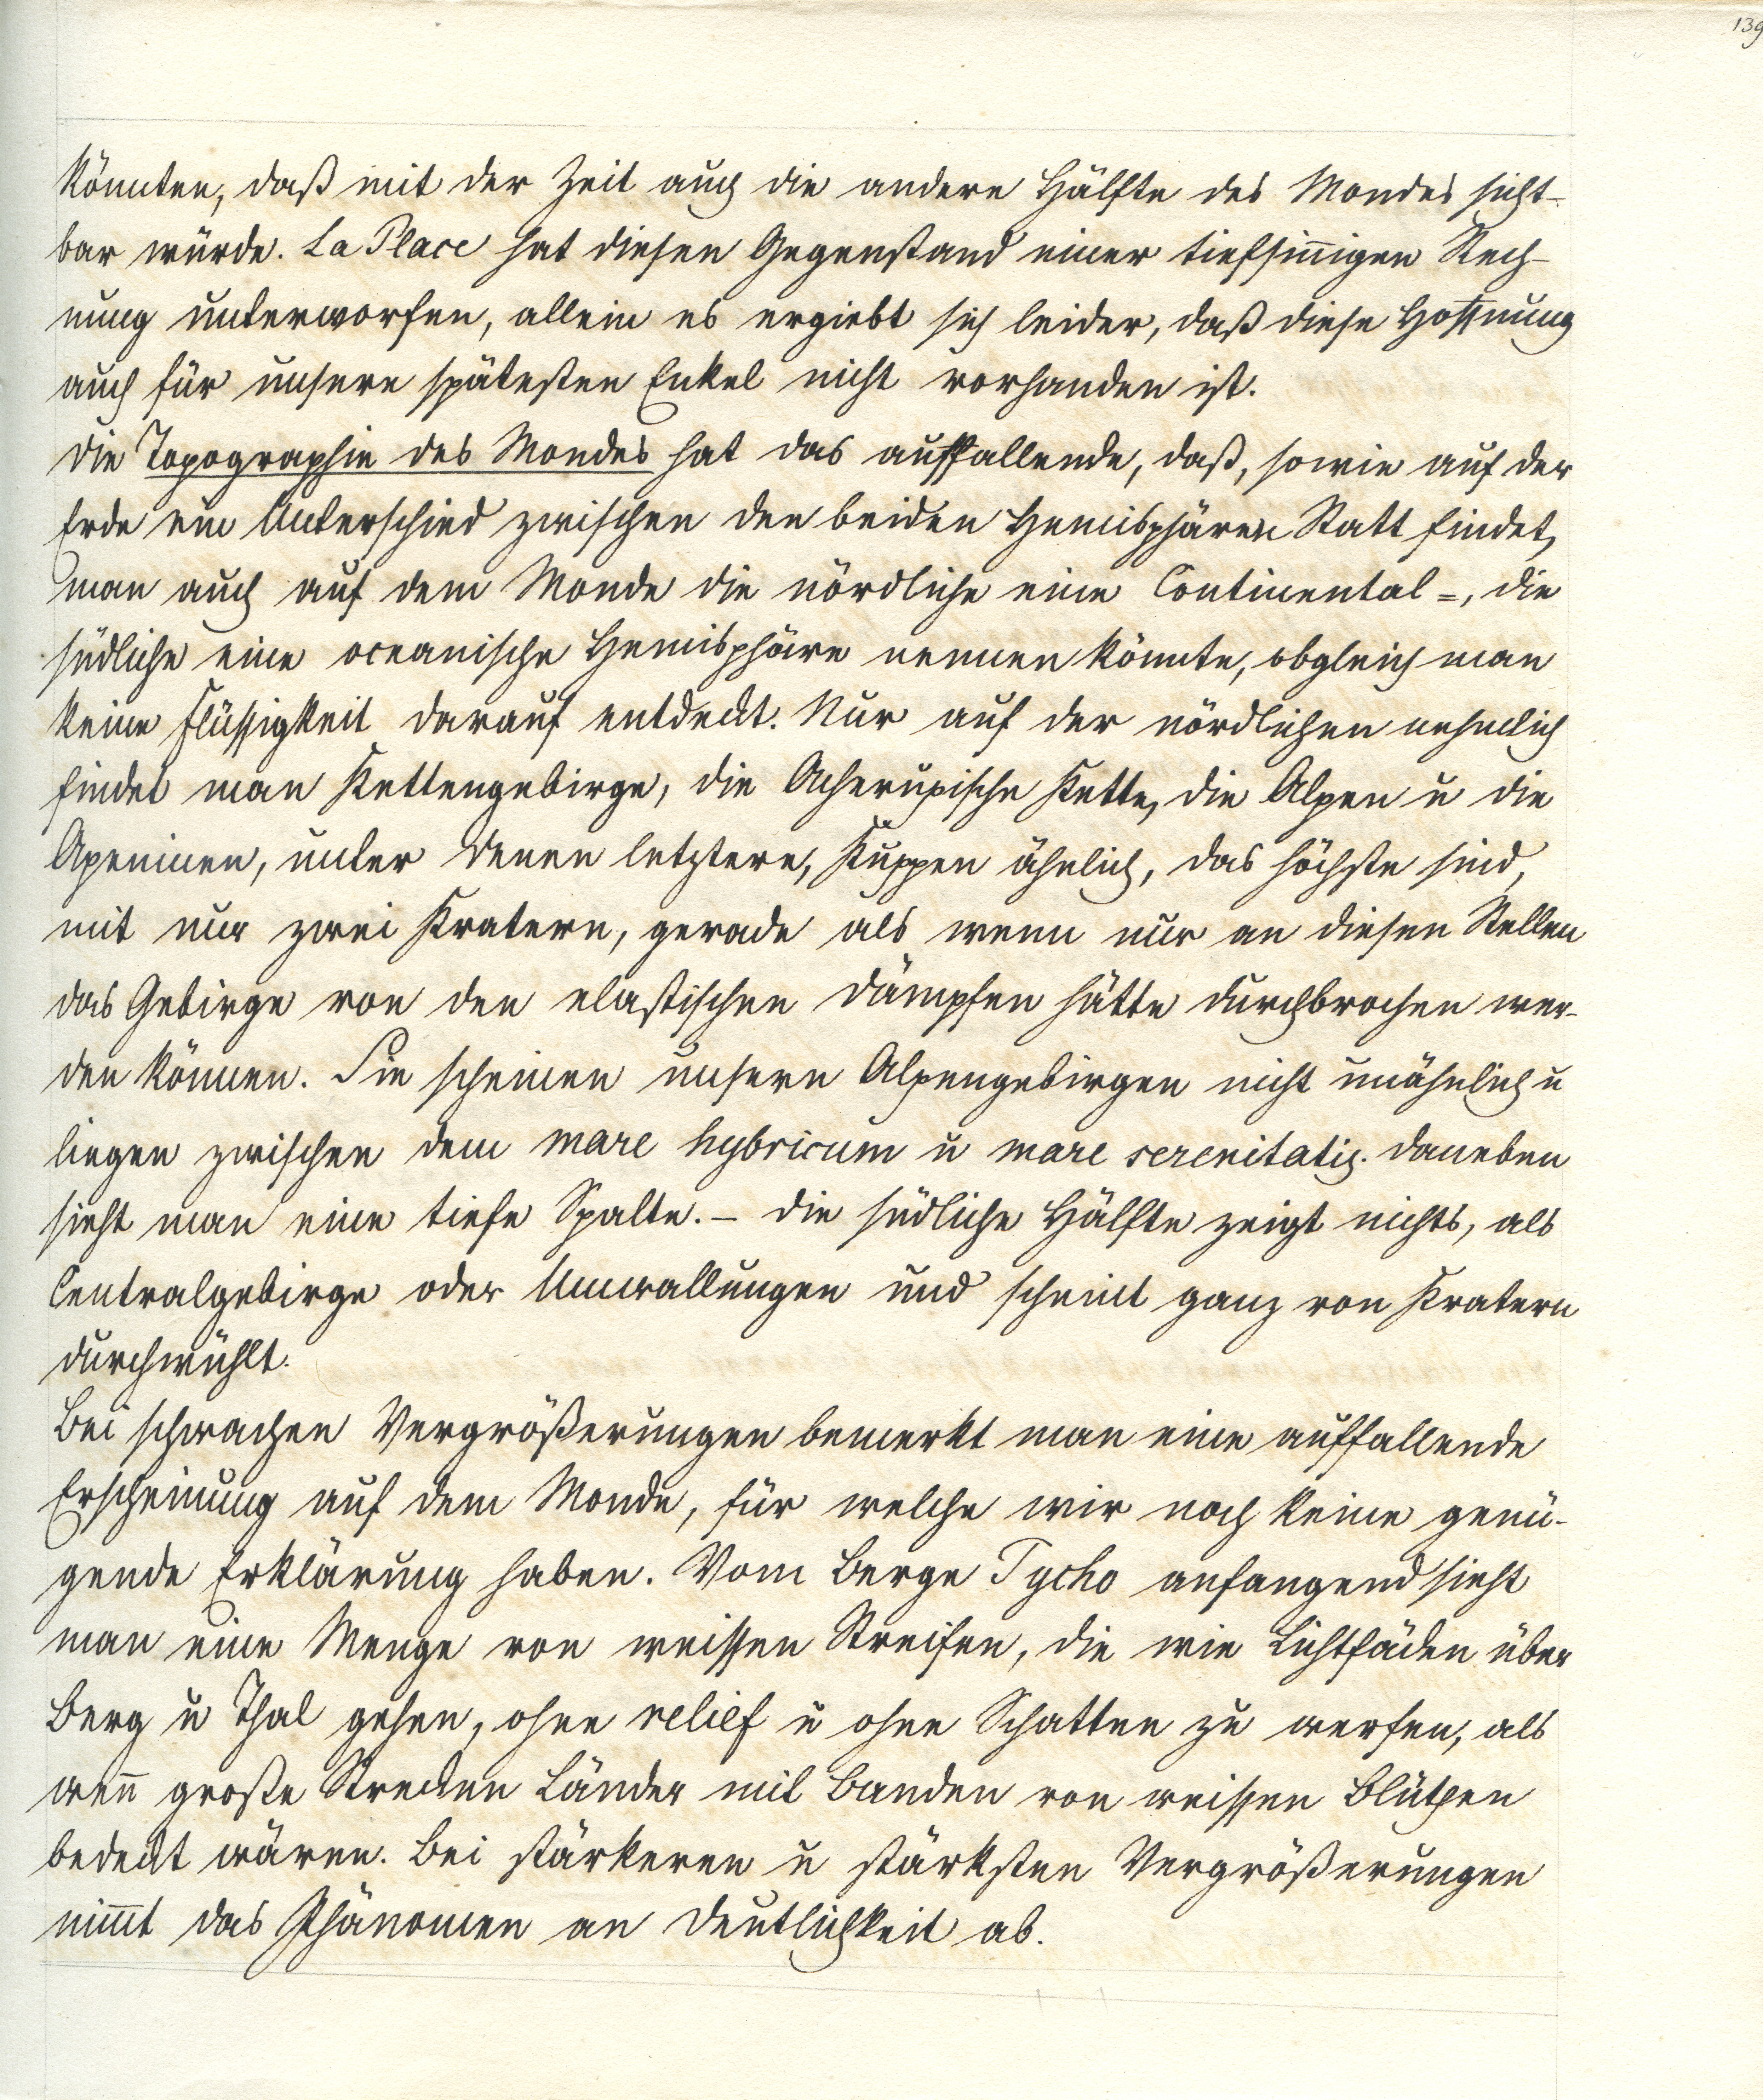könnten, daß mit der Zeit auch die andere Hälfte des Mondes sicht-
bar würde. La Place hat diesen Gegenstand einer tiefsiñigen Rech-
nung unterworfen, allein es ergiebt sich leider, daß diese Hoffnung
auch für unsere spätesten Enkel nicht vorhanden ist.
Die Topographie des Mondes hat das auffallende, daß, so wie auf der
Erde ein Unterschied zwischen den beiden Hemisphären Statt findet,
man auch auf dem Monde die nördliche eine Continental-, die
südliche eine oceanische Hemisphäre nennen könnte, obgleich man
keine Flüssigkeit darauf entdeckt. Nur auf der nördlichen nehmlich
findet man Kettengebirge, die Acherupische Kette, die Alpen u die
Apeninen, unter denen letztere, Kuppen ähnlich, das höchste sind,
mit nur zwei Kratern, gerade als wenn nur an diesen Stellen
das Gebirge von den elastischen Dämpfen hätte durchbrochen wer-
den können. Sie scheinen unsern Alpengebirgen nicht unähnlich u
liegen zwischen dem mare hybricum u mare serenitatis. Daneben
sieht man eine tiefe Spalte. – Die südliche Hälfte zeigt nichts, als
Centralgebirge oder Umwallungen und scheint ganz von Kratern
durchwühlt.
Bei schwachen Vergrößerungen bemerkt man eine auffallende
Erscheinung auf dem Monde, für welche wir noch keine genü-
gende Erklärung haben. Vom Berge Tycho anfangend sieht
man eine Menge von weissen Streifen, die wie Lichtfäden über
Berg u Thal gehen, ohne relief u ohne Schatten zu werfen, als
weñ große Strecken Länder mit Banden von weissen Blüthen
bedeckt wären. Bei stärkeren u stärksten Vergrößerungen
nim̃t das Phänomen an Deutlichkeit ab.
1783